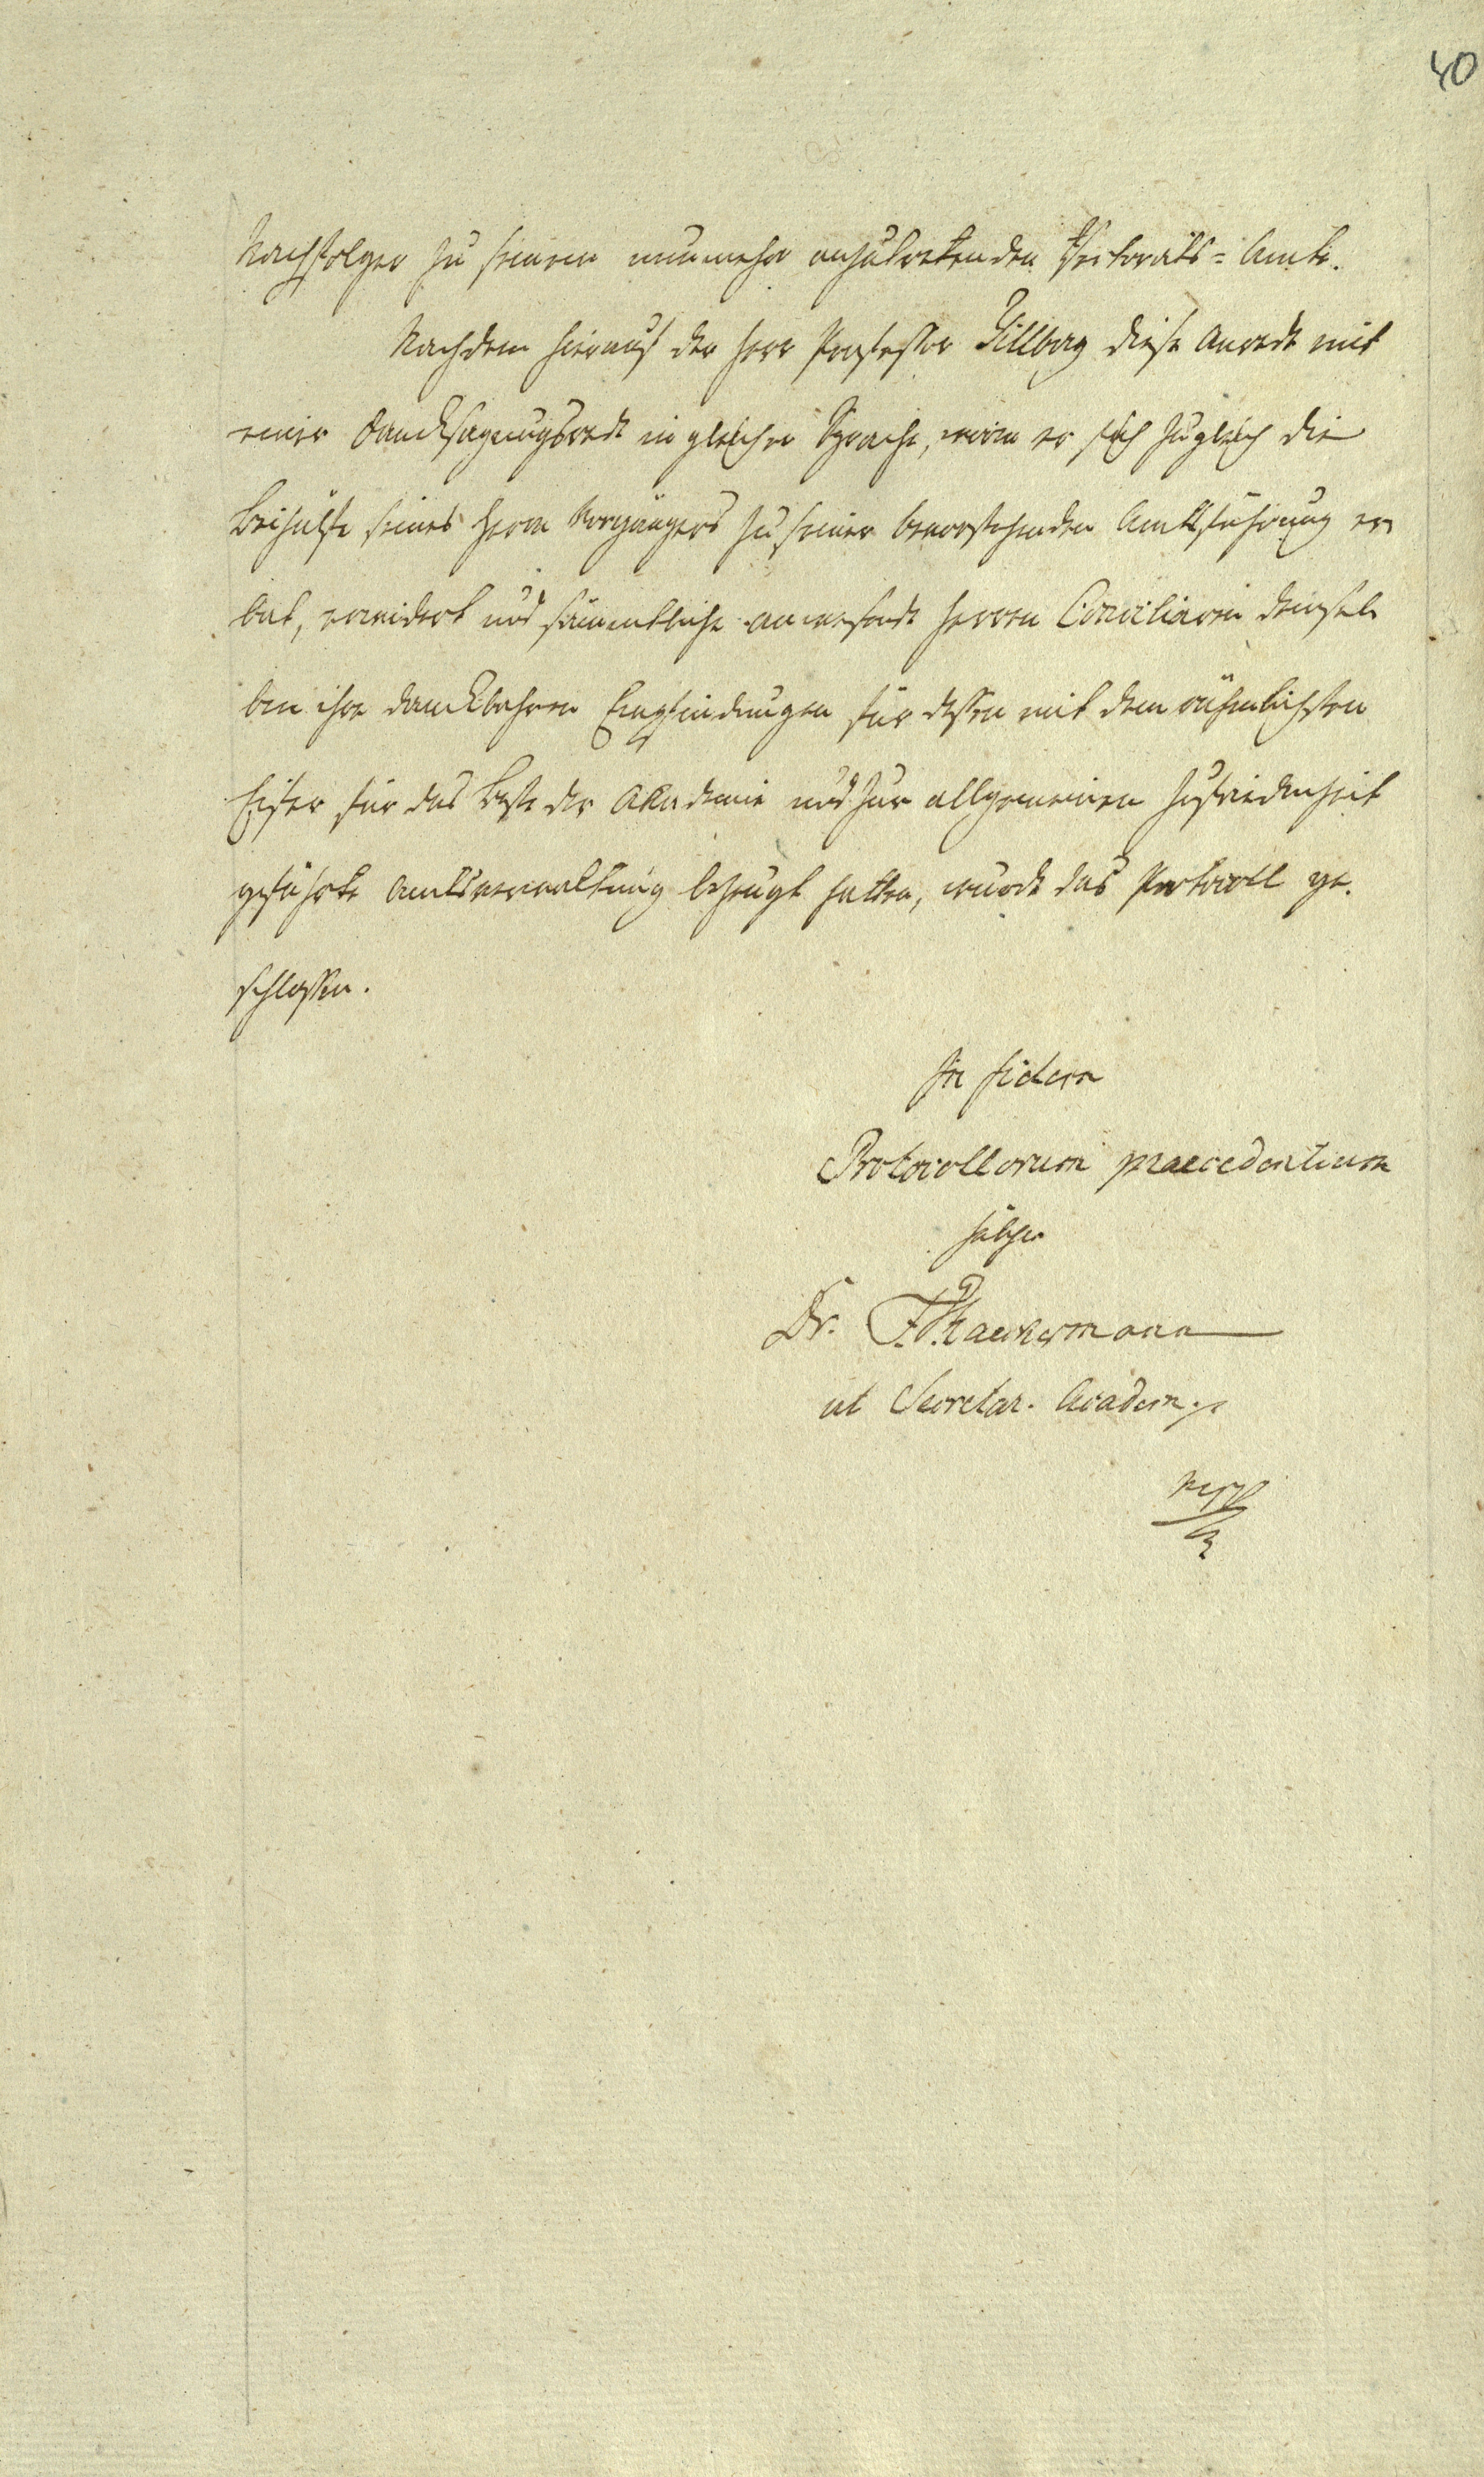Nachfolger zu seinem nunmehro anzutretenden Rectorats-Amte.
Nachdem hierauf der Herr Professor Tillberg diese Anrede mit
einer Dancksagungsrede in gleicher Sprache, worin er sich zugleich die
Beihülfe seines Herrn Vorgängers zu seiner bevorstehenden Amtsführung er¬
bat, erwidert und sämmtliche anwesende Herren Conciliaren demsel¬
ben ihre danckbahren Empfindungen für dessen mit dem rühmlichsten
Eifer für das Beste der Akademie und zur allgemeinen Zufriedenheit
geführte Amtsverwaltung bezeugt hatten, wurde das Protocoll ge¬
schlossen.
In fidem
Protocollorum praecedentium
subses
Dr. F Haeckermann
at Secretar. Academ./.